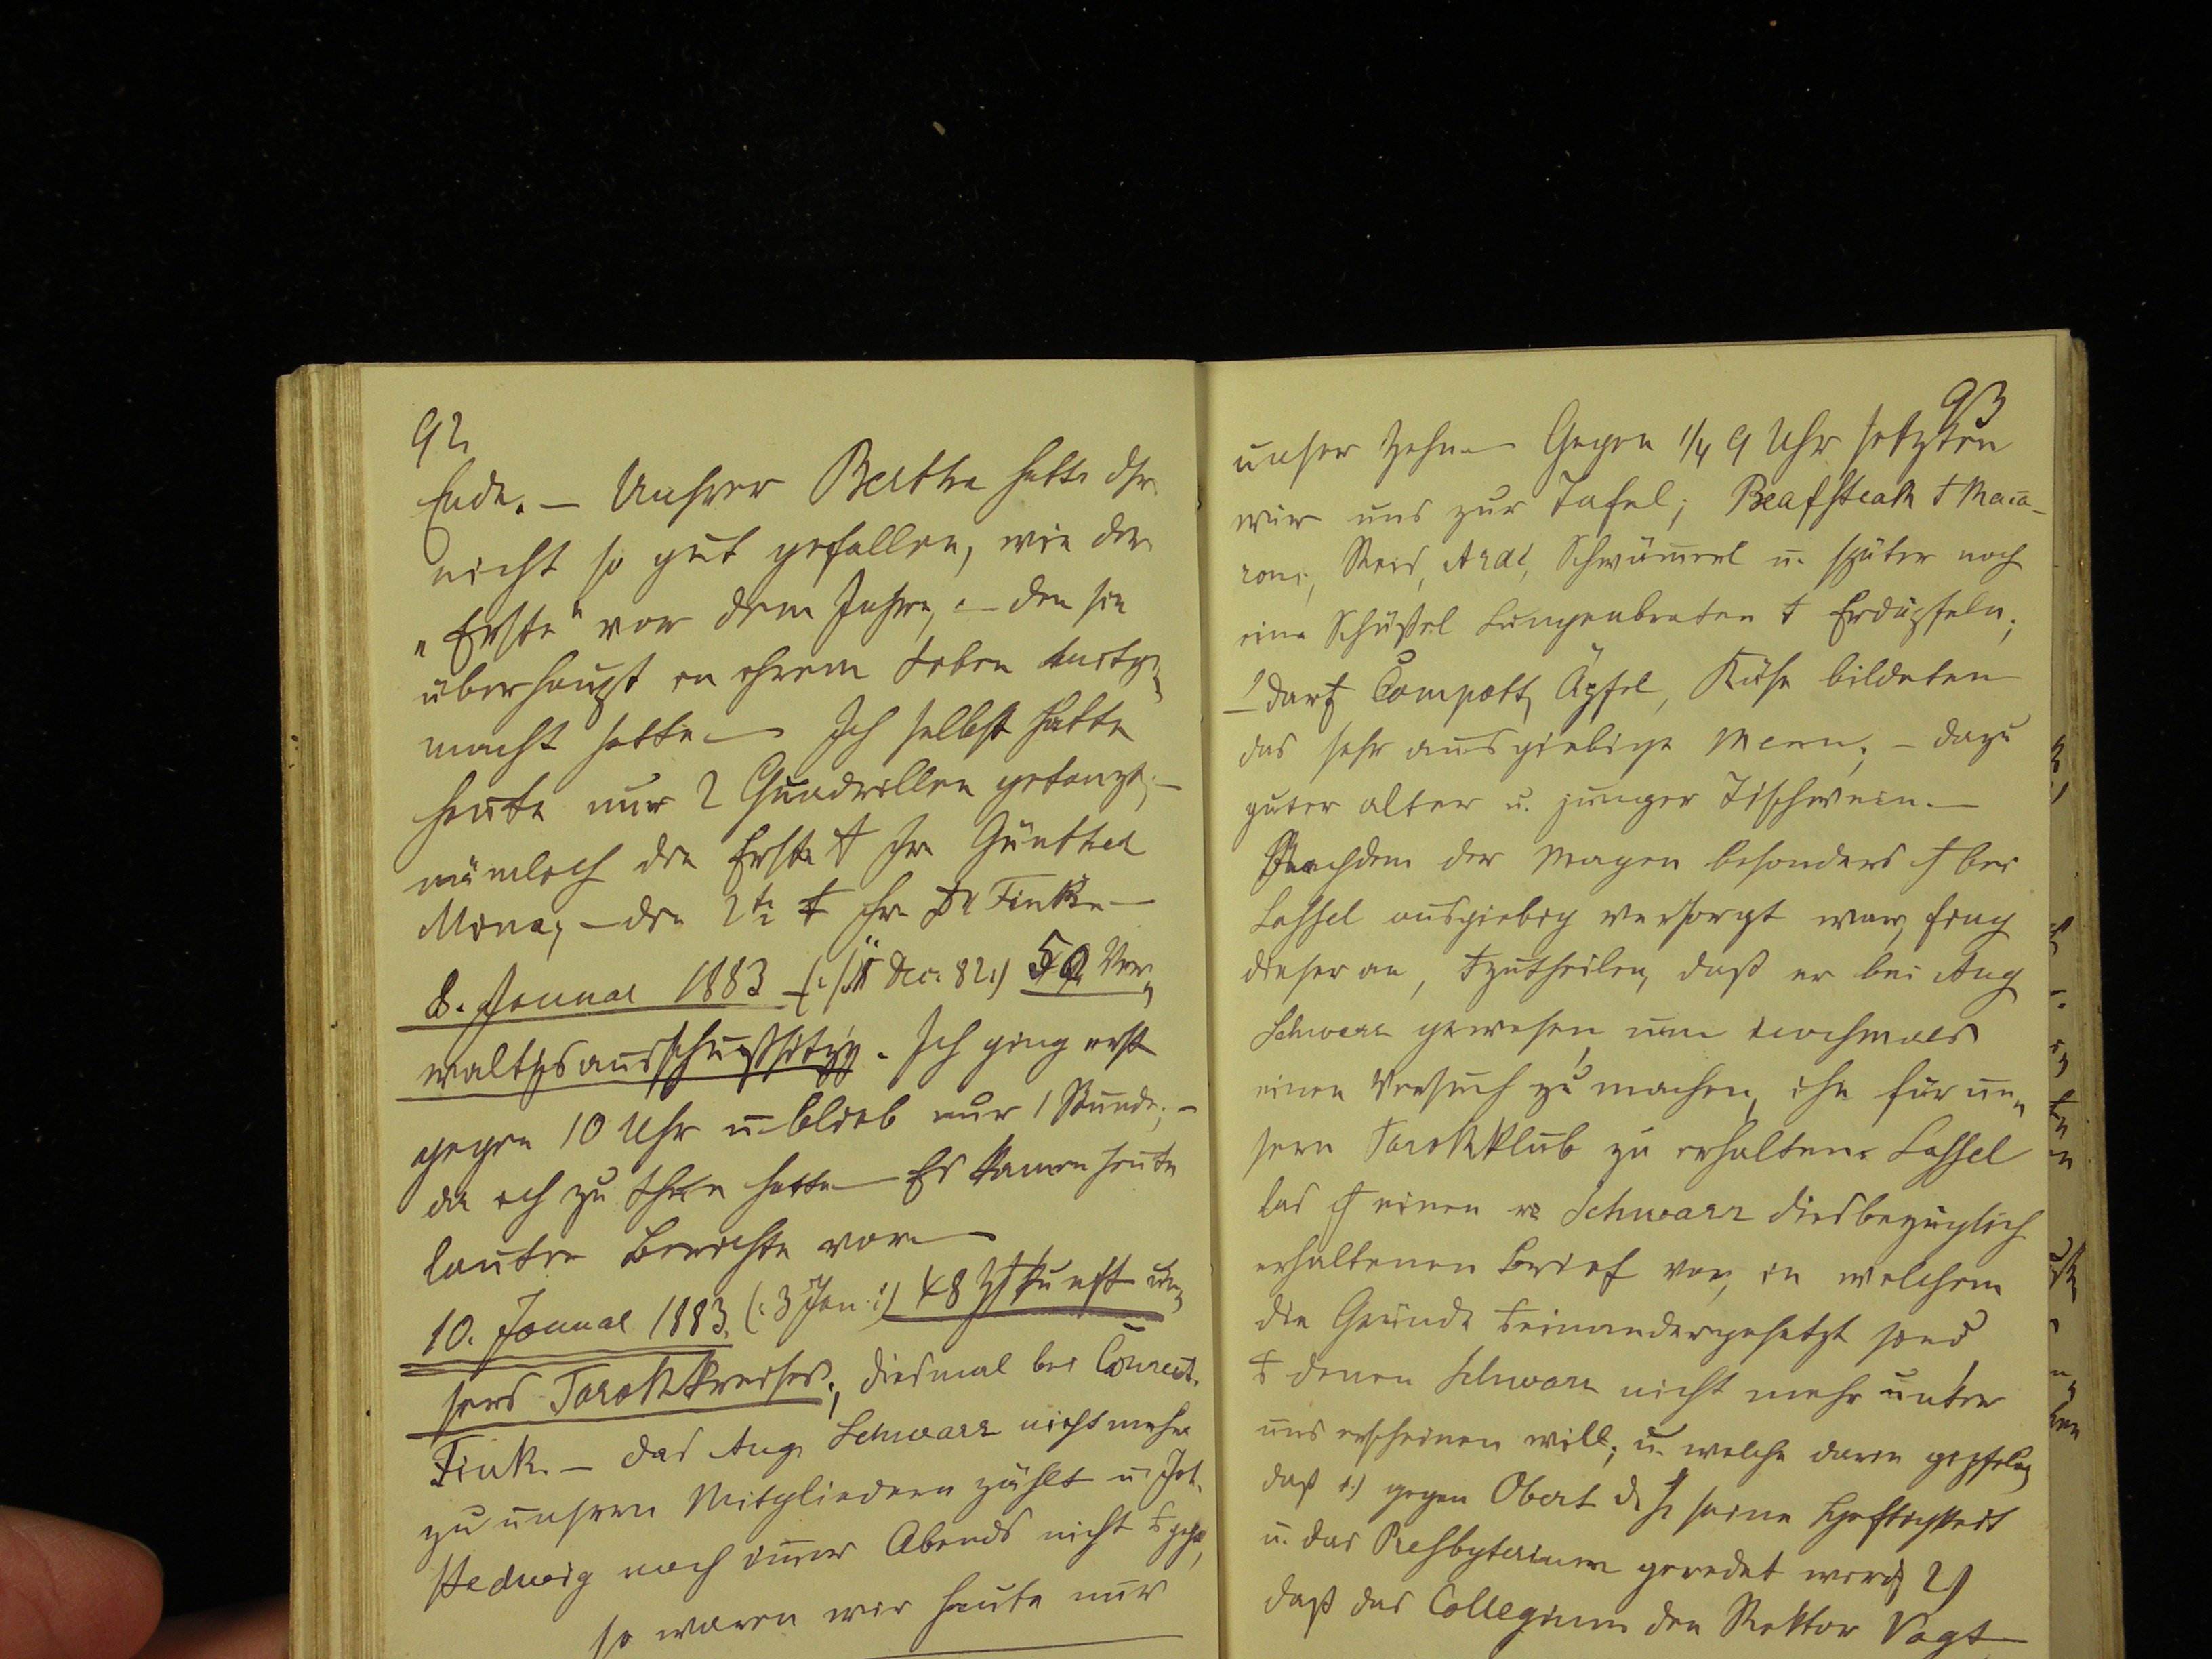92
Ende.- Unserer Bertha hatte dieser
nicht so gut gefallen, wie der
„ Erste“ vor drei Jahren,den sie
überhaupt in ihrem Leben? .?.ge¬
macht. hatte,- Ich selbst hatte
heute nur 2 Quadrillen getanzt,-
nämlich der erste mit Frau Günthel
Mona und der 2-te mit Frau Dr. Fink.
8. Januar 1883.--?... 50.te Ver¬
waltungsausschußsitzung … Ich ging erst
gegen 10 Uhr und blieb nur 1 Stunde,-
da ich zu thun hatte.- Es kamen heute
lauter Berichte vor.-
10. Januar 1883 ( ?....) 48. Zusammenkunft un¬
seres Tarokkreises, diesmal bei ? …
Fink ,-das Aug. Schwarz nicht mehr
zu unseren Mitgliedern zählt und Joh.
Hedwig noch immer abends nicht ausgeht,
so waren wir heute nur
91
unser zehn.- gegen ¼ 9 Uhr setzten
wir uns zur Tafel; Beafsteak mit Ma¬
roni, Reis, ? Arai, Schwammerl und später noch
eine Schüssel Lungenbraten mit Erdäpfeln,
-darauf Compott, Äpfel, Käse bildeten
das sehr ausgiebige Menu.-Dazu
guter alter und junger Tischwein.
Nachdem der Magen besonders auch bei
Lassel ausgiebeig versorgt war, fing
dieser an, mitzuteilen, daß er bei Aug.
Schwarz gewesen um nochmals
einen Versuch zu machen, ihn für un¬
sern Tarockklub zu erhalten Lassel
las auch einem von Schwarz diesbezüglich
erhaltenen Brief vor, in welchem
die Gründe auseinandergesetzt sind
aus denen Schwarz nicht mehr unter
uns erscheinen will, und welche darin gipfeln
daß: 1) gegen Obert und auch seine Heftigkeit
und das Presbyterium geredet wird,- 2)
daß das Collegium den Rektor Vogt